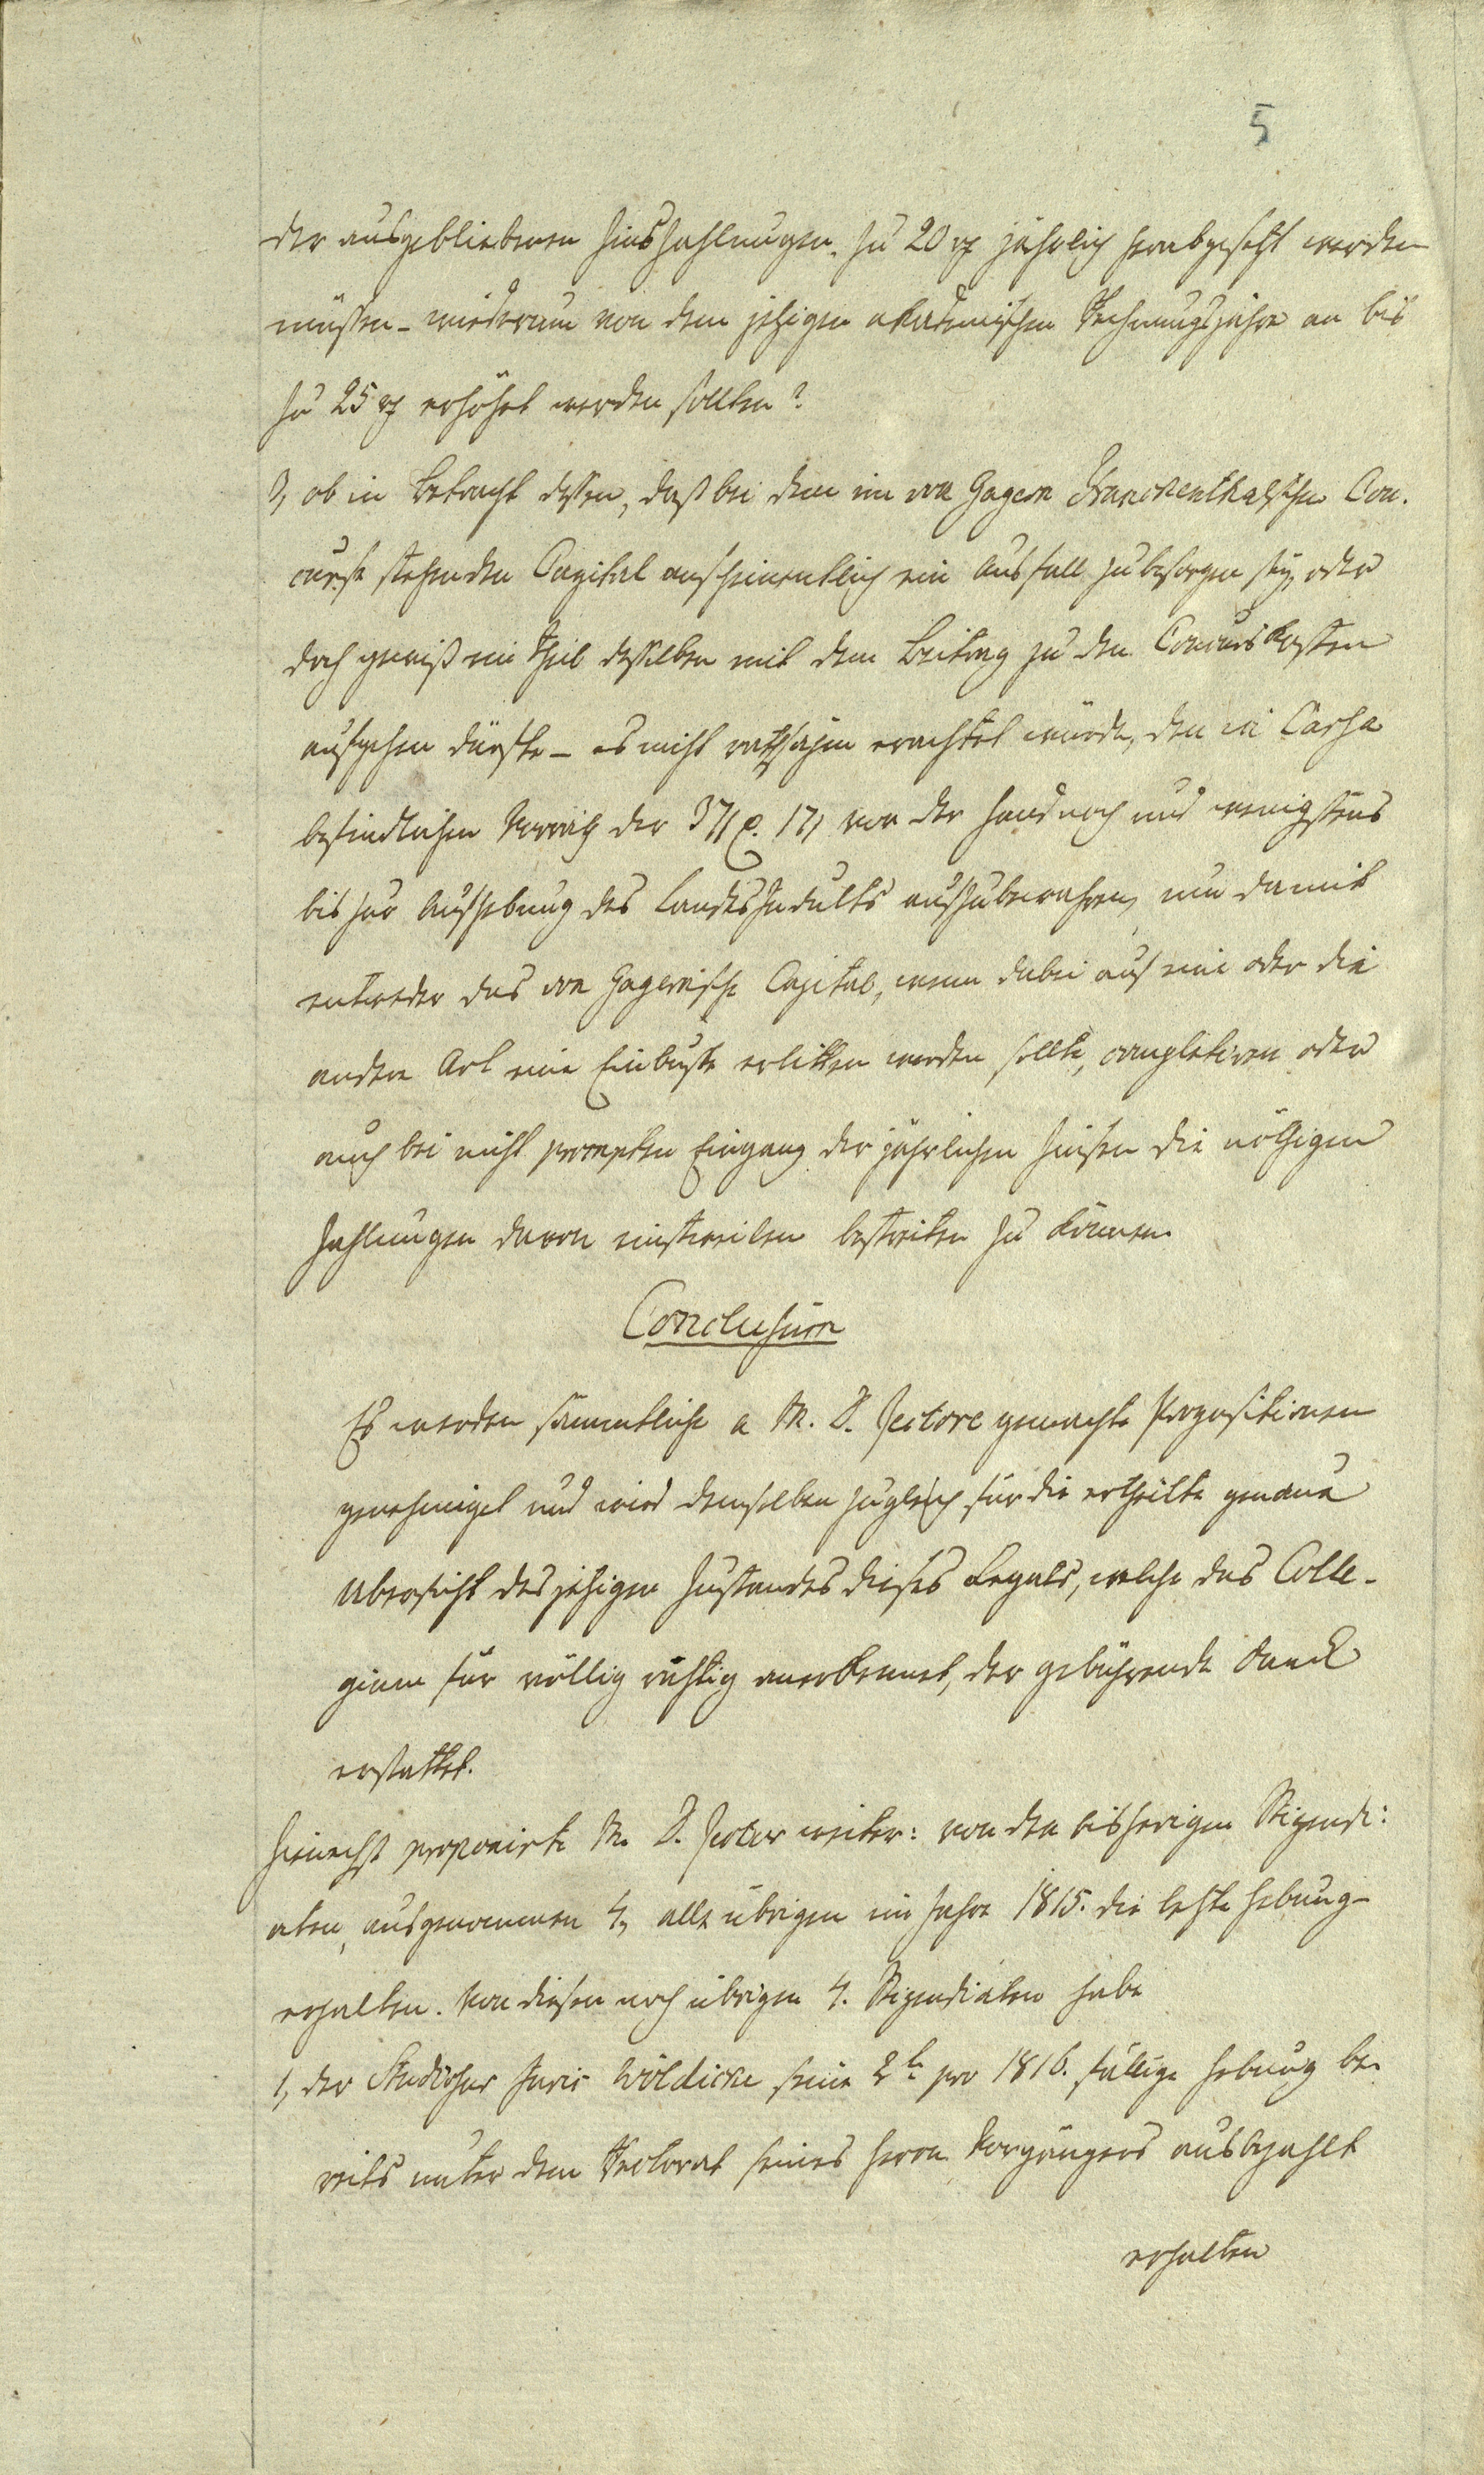der ausgebliebenen Zinszahlungen. zu 20 rf. jährlich herabgesetzt werden
müssen. wiederum von dem jetzigen akademischen Rechnungsjahre an bis
zu 25 rf erhöhet werden sollten?
3, ob in Betracht dessen, daß bei dem im von Gagern Franckenthalschen Con¬
curse stehenden Capital anscheinentlich ein Ausfall zu besorgen seÿ, oder
doch gewiß ein Theil desselben mit dem Beitrag zu den Concurskosten
aufgehen dürfte - es nicht rathsahm erachtet würde, den in Cassa
befindlichen Vorrath der 371 l. 17, vor der Hand noch und wenigstens
bis zur Aufhebung des LandesIndults auzubewahren, um damit
entweder das dem Gagerische Capital, wenn dabei auf eine oder die
andere Art eine Einbusse erlitten werden sollte, completiren oder
auch bei nicht prompten Eingang der jährlichen Zinsen die nöthigen
Zahlungen davon einstweilen bestreiten zu können.
Conclusum
Es werden sämmtliche a M. D. Rectore gemachte Propositionen
genehmiget und wird denselben zugleich für die ertheilte genaue
Übersicht des jetzigen Zustandes dieses Legats, welche das Colle¬
gium für völlig richtig anerkennet, der gebührende Danck
erstattet.
Hienechst proponirte M. D. Rector weiter: von den bisherigen Stipendi¬
aten, ausgenommen 4., alle übrigen in Jahre 1815. die letzte Hebung
erhalten. von diesen noch übrigen 4. Stipendiaten habe
1, der Studiosus Juris Wöldicke seine 2 te pro 1816. fällige Hebung be¬
reits unter dem Rectorat seines Herrn Vorgängers ausbezahlt
erhalten